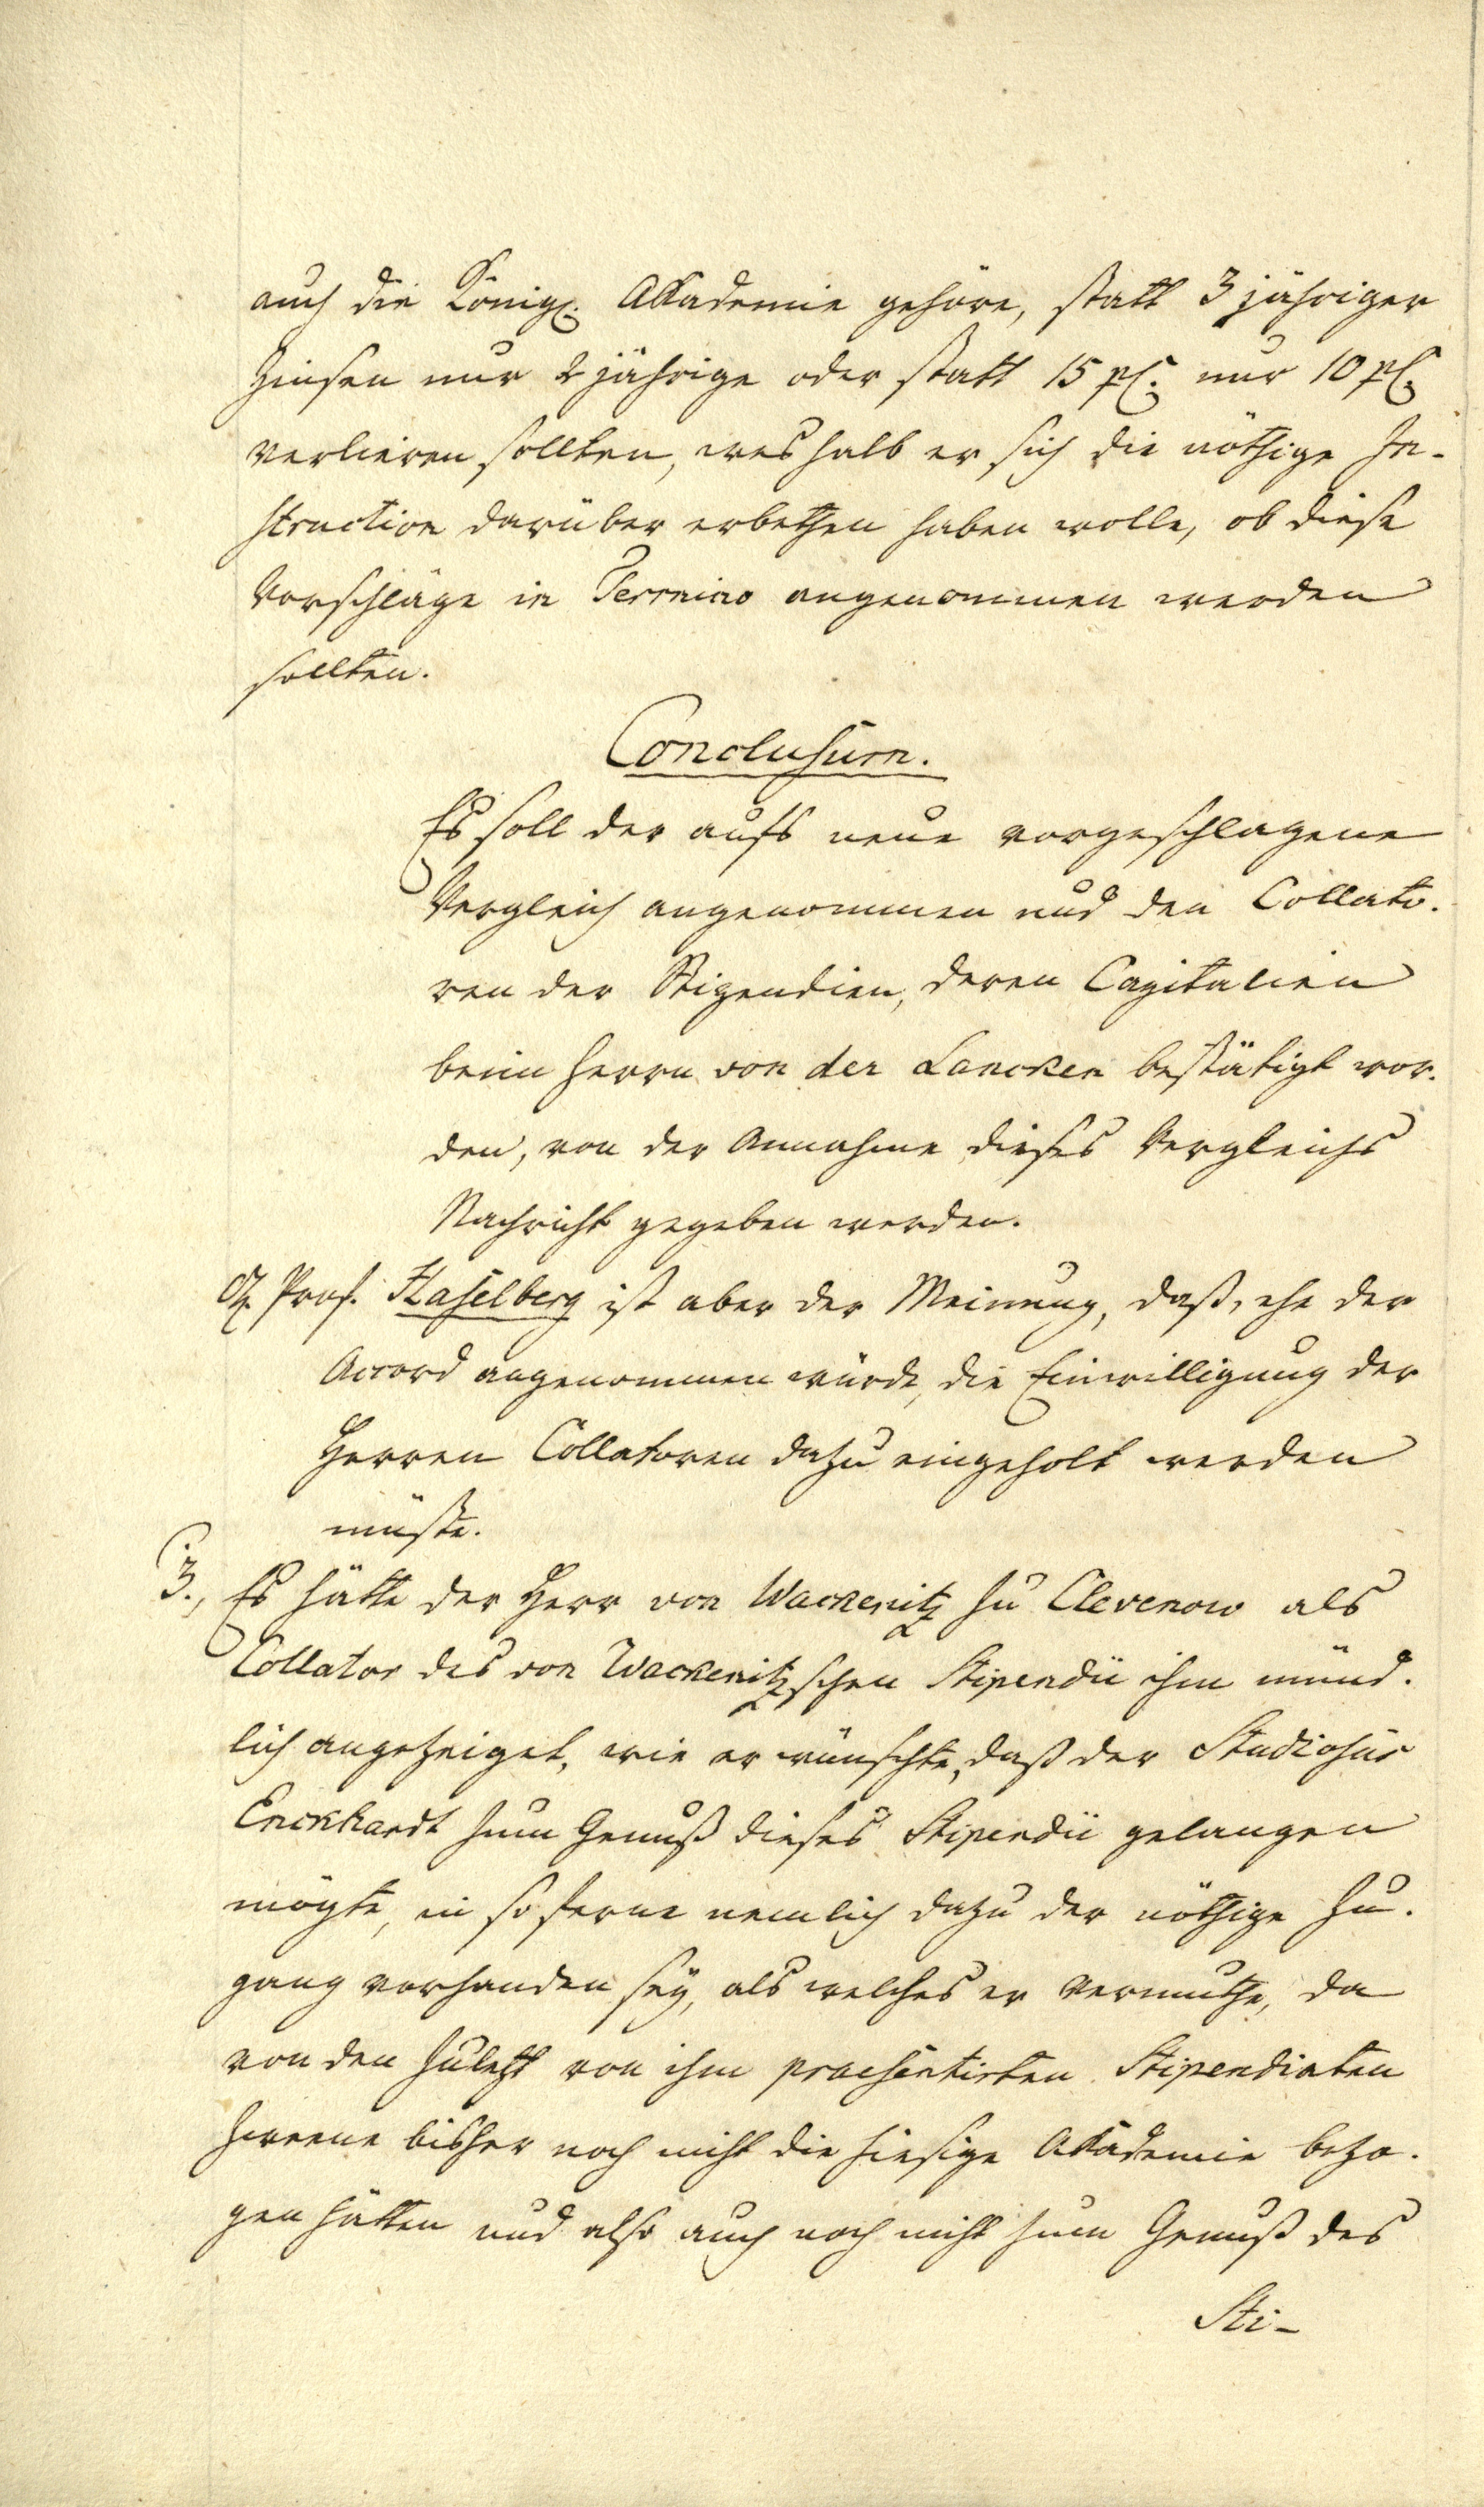auch die Königl. Akademie gehöre, statt 3 jähriger
Zinsen nur 2 jährige oder statt 15 pl. nur 10 pl.
verlieren sollten, weshalb er sich die nöthige In¬
struction darüber erbethen haben wolle, ob diese
Vorschläge in Termino angenommen werden
sollten.
Conclusum
Es soll der aufs neue vorgeschlagene
Vergleich angenommen und den Collato¬
ren der Stipendien, deren Capitalien
beim herrn von der Lancken bestätigt wor¬
den, von der Annahme dieses Vergleichs
Nachricht gegeben werden.
dh. Prof. Haselberg ist aber der Meinung, daß, ehe der
Accord angenommen würde, die Einwilligung der
Herren Collatoren dazu eingeholt werden
müste.
3., Es hätte der Herr von Wackenitz zu Clevenow als
Collator des von Wackenitzschen Stipendii ihm münd¬
lich angezeiget, wie er wünschte, daß der Studiosus
Enckhardt zum Genuß dieses Stipendii gelangen
mögte, in so ferne nemlich dazu der nöthige Zu¬
gang vorhanden seÿ, als welches er vermuthe, da
von den zuletzt von ihm praesentirten Stipendiaten
zweene bisher noch nicht die hiesige Akademie bezo¬
gen hätten und also auch noch nicht zum Genuß des
Sti